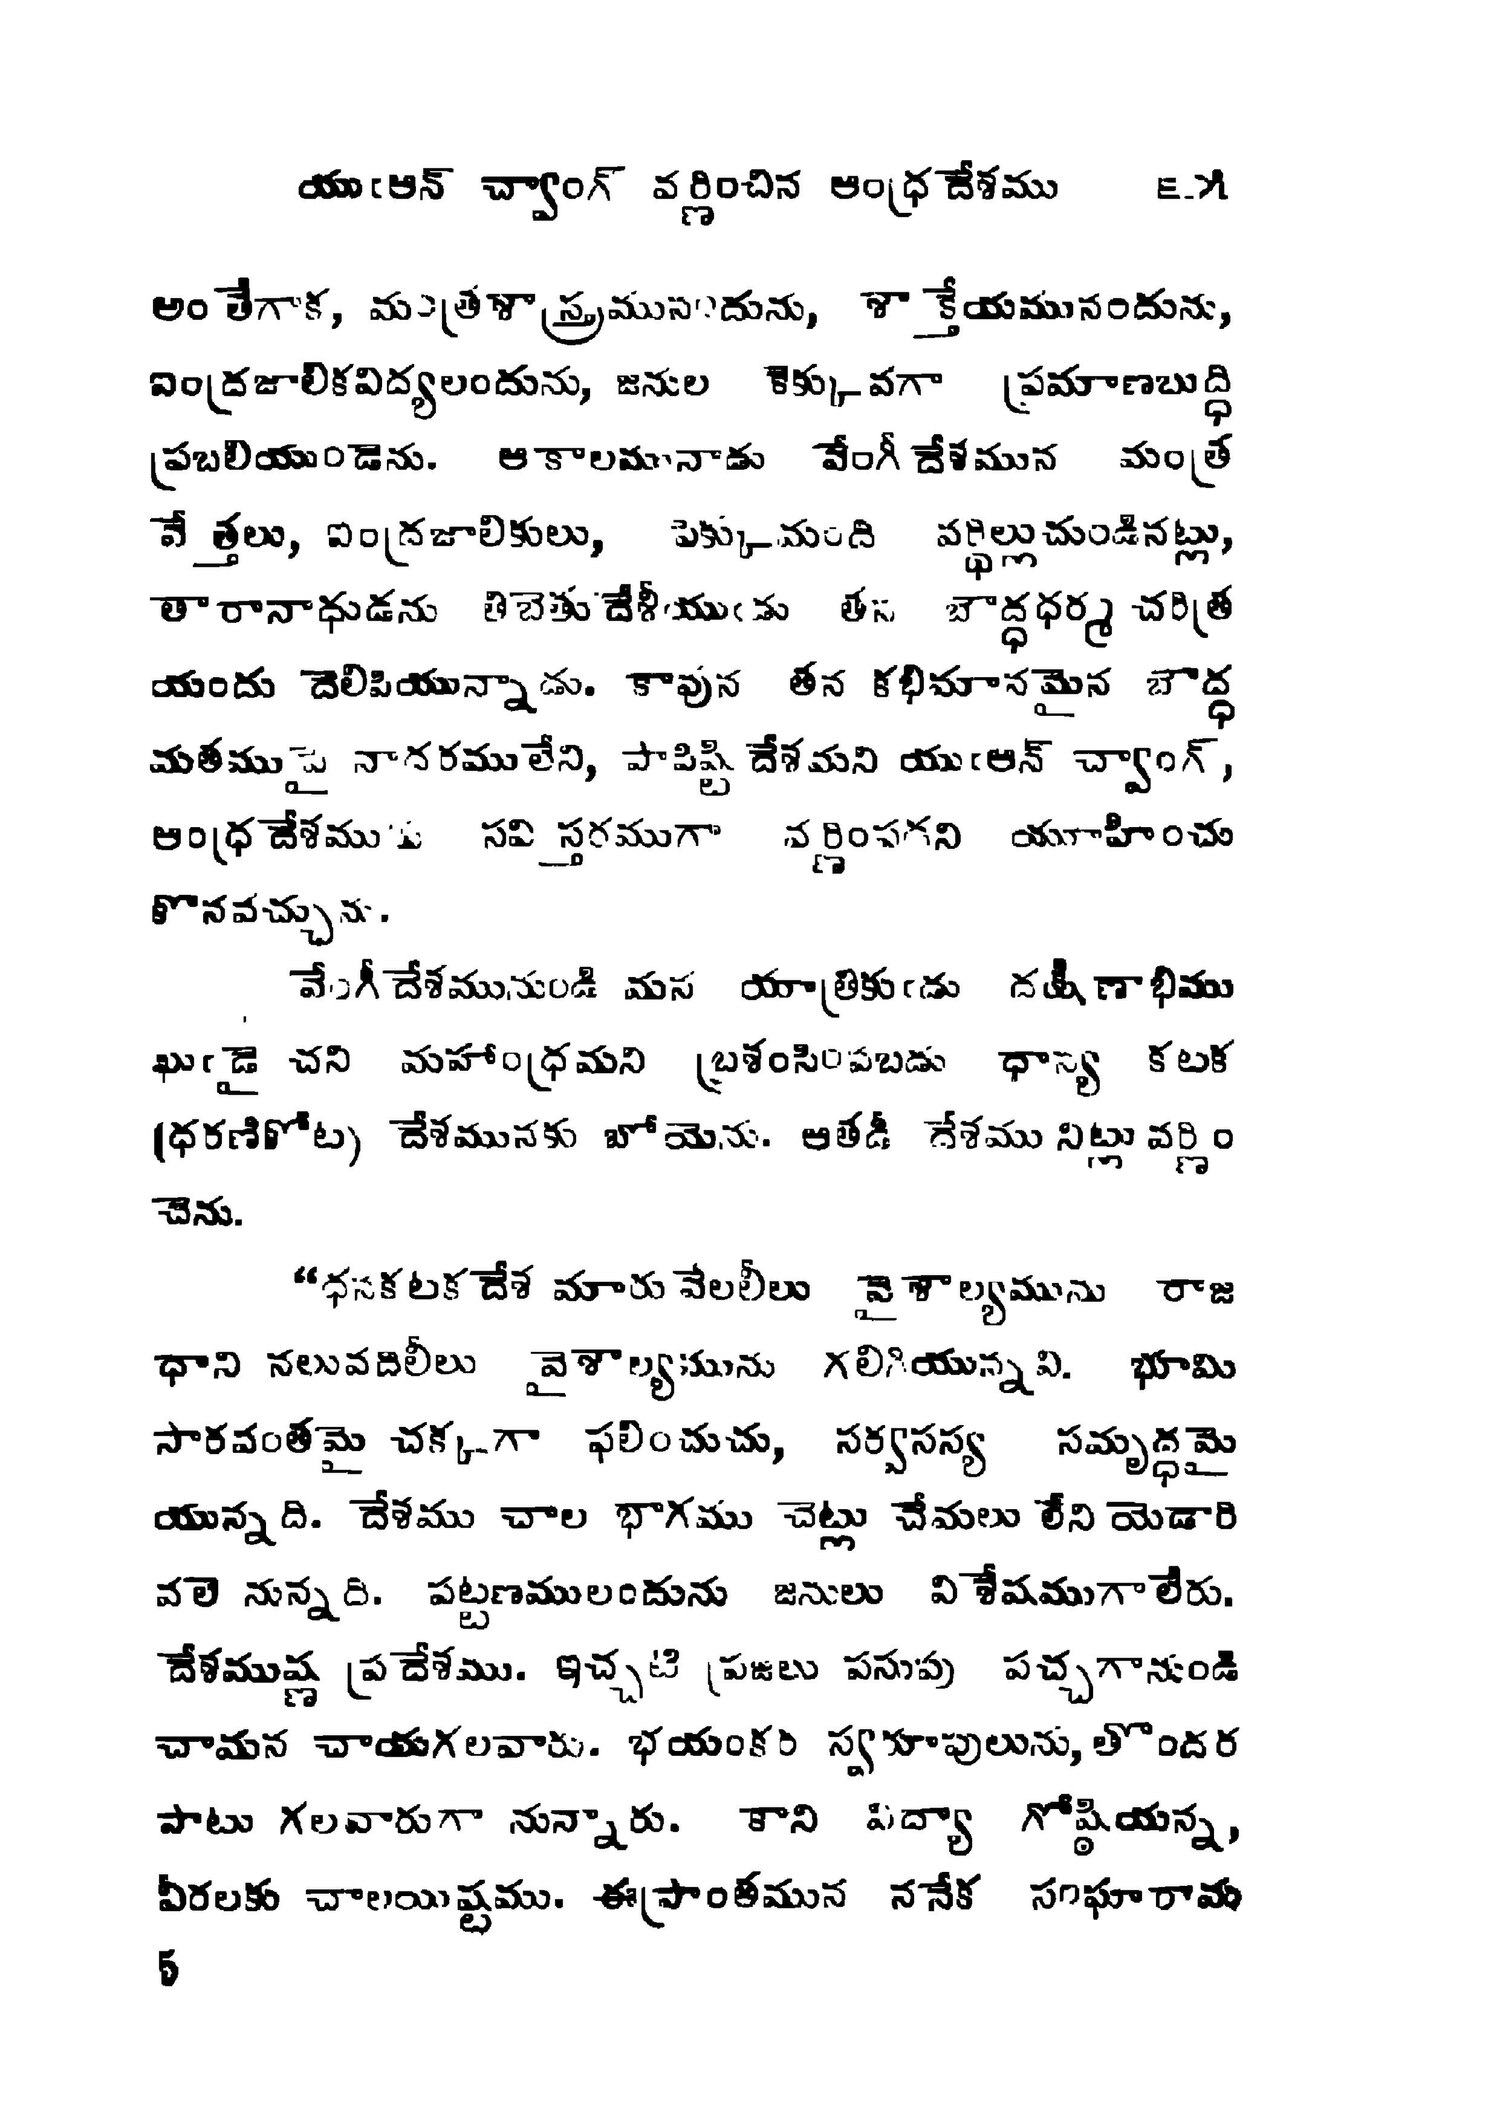అంతేగాక, మంత్రశాస్త్రమునందును, శాక్తేయమునందును, ఐంద్రజాలికవిద్యలందును, జనుల కెక్కువగా ప్రమాణబుద్ధి ప్రబలియుండెను. ఆకాలమునాడు వేంగీదేశమున మంత్ర వేత్తలు, ఐంద్రజాలికులు, పెక్కుమంది వర్థిల్లుచుండినట్లు, తారానాధుడను తిబెతుదేశీయుడు తన బౌద్ధధర్మ చరిత్రయందు దెలిపియున్నాడు. కావున తన కభిమానమైన బౌద్ధమతముపై నాదరములేని, పాపిష్టి దేశమని యు ఆన్ చ్వాంగ్, ఆంధ్రదేశమును సవిస్తరముగా వర్ణింపడని యూహించు కొనవచ్చును.

వేంగీదేశమునుండి మన యాత్రికుడు దక్షిణాభిముఖుడై చని మహాంధ్రమని బ్రశంసింపబడు ధాన్య కటక (ధరణికోట) దేశమునకు బోయెను. అతడీ దేశము నిట్లు వర్ణించెను.

"ధనకటకదేశ మారువేలలీలు వైశాల్యమును రాజధాని నలువదిలీలు వైశాల్యమును గలిగియున్నవి. భూమి సారవంతమై చక్కగా ఫలించుచు, సర్వసస్య సమృద్ధమై యున్నది. దేశము చాల భాగము చెట్లు చేమలు లేని యెడారివలె నున్నది. పట్టణములందును జనులు విశేషముగాలేరు. దేశముష్ణ ప్రదేశము. ఇచ్చటి ప్రజలు పసుపు పచ్చగానుండి చామన చాయగలవారు. భయంకర స్వరూపులును, తొందరపాటు గలవారుగా నున్నారు. కాని విద్యా గోష్ఠియన్న, వీరలకు చాలయిష్టము. ఈప్రాంతమున ననేక సంఘారామ